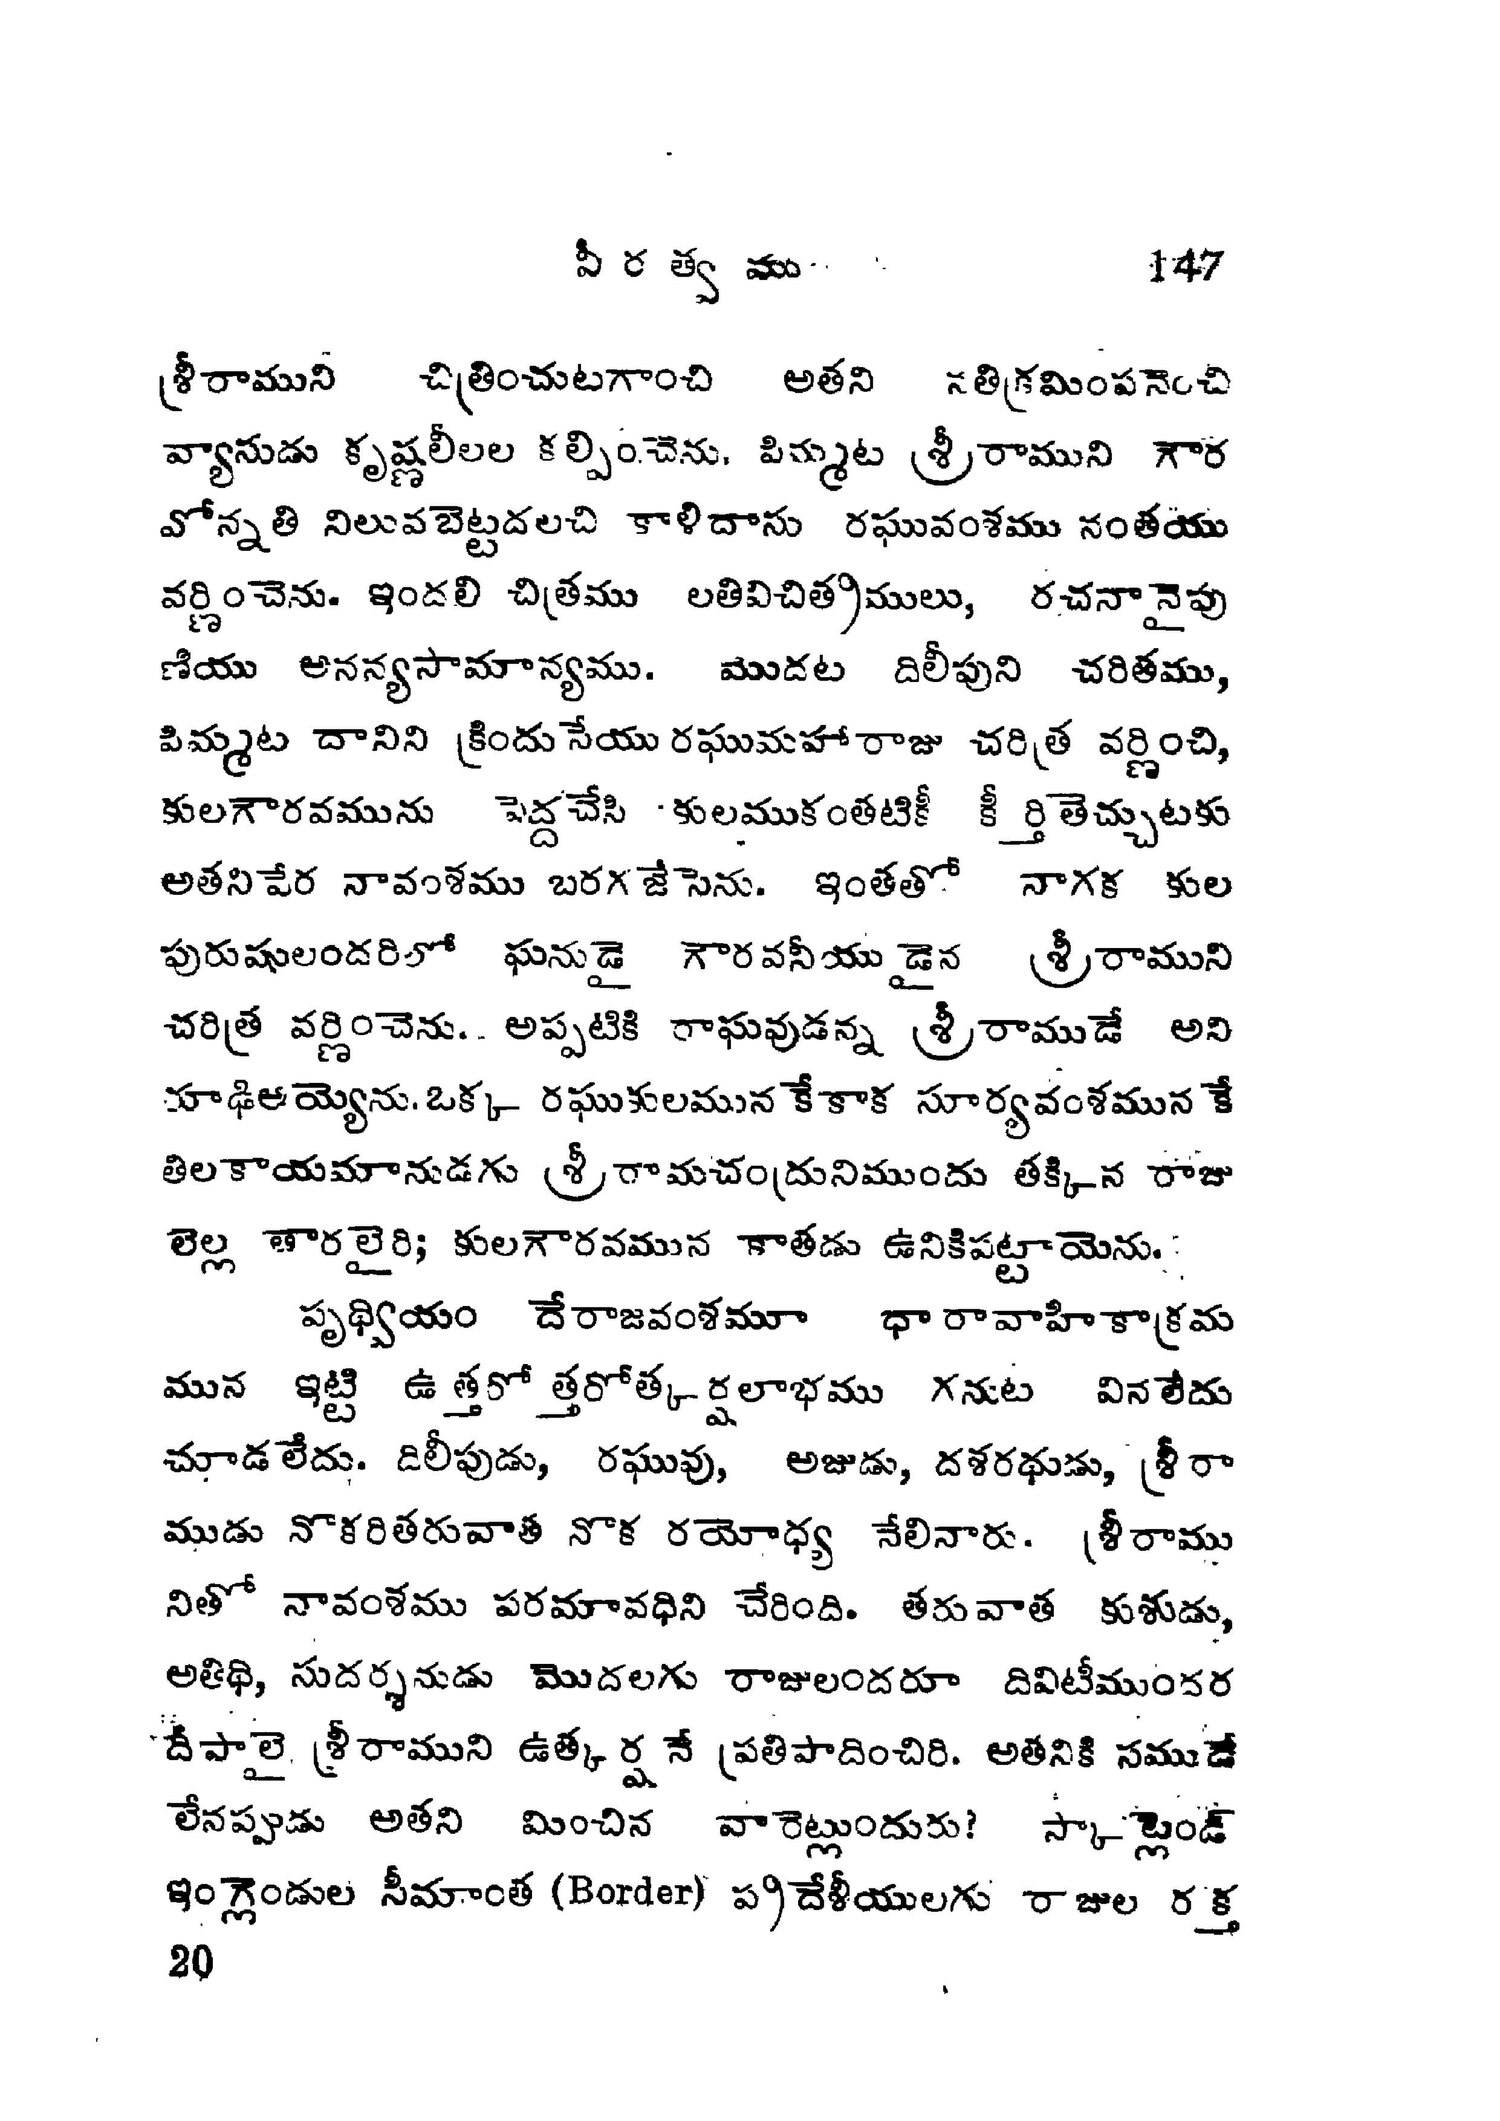శ్రీరాముని చిత్రించుటగాంచి అతని నతిక్రమింపనెంచి వ్యాసుడు కృష్ణలీలల కల్పించెను. పిమ్మట శ్రీరాముని గౌరవోన్నతి నిలువబెట్టదలచి కాళిదాసు రఘువంశము నంతయు వర్ణించెను. ఇందలి చిత్రము లతివిచిత్రములు, రచనా నైపుణియు అనన్యసామాన్యము. మొదట దిలీపుని చరితము, పిమ్మట దానిని క్రిందుసేయు రఘుమహారాజు చరిత్ర వర్ణించి, కులగౌరవమును పెద్దచేసి కులముకంతటికీ కీర్తితెచ్చుటకు అతని పేర నావంశము బరగజేసెను. ఇంతతో నాగక కుల పురుషులందరిలో ఘనుడై గౌరవనీయుడైన శ్రీరాముని చరిత్ర వర్ణించెను. అప్పటికి రాఘవుడన్న శ్రీరాముడే అని రూఢిఅయ్యెను. ఒక్క రఘుకులమునకేకాక సూర్యవంశమునకే తిలకాయమానుడగు శ్రీరామచంద్రునిముందు తక్కిన రాజు లెల్ల తారలైరి; కులగౌరవమున కాతడు ఉనికిపట్టాయెను.

పృథ్వియం దేరాజవంశమూ ధారావాహికాక్రమమున ఇట్టి ఉత్తరోత్తరోత్కర్షలాభము గనుట వినలేదు చూడలేదు. దిలీపుడు, రఘువు, అజుడు, దశరథుడు, శ్రీరాముడు నొకరితరువాత నొక రయోధ్య నేలినారు. శ్రీరామునితో నావంశము పరమావధిని చేరింది. తరువాత కుశుశు, అతిథి, సుదర్శనుడు మొదలగు రాజులందరూ దివిటీముందర దీపాలై శ్రీరాముని ఉత్కర్షనే ప్రతిపాదించిరి. అతనికి సముడే లేనప్పుడు అతని మించిన వారెట్లుందురు? స్కాట్లెండ్ ఇంగ్లెండుల సీమాంత (Border) ప్రదేశీయులగు రాజుల రక్త